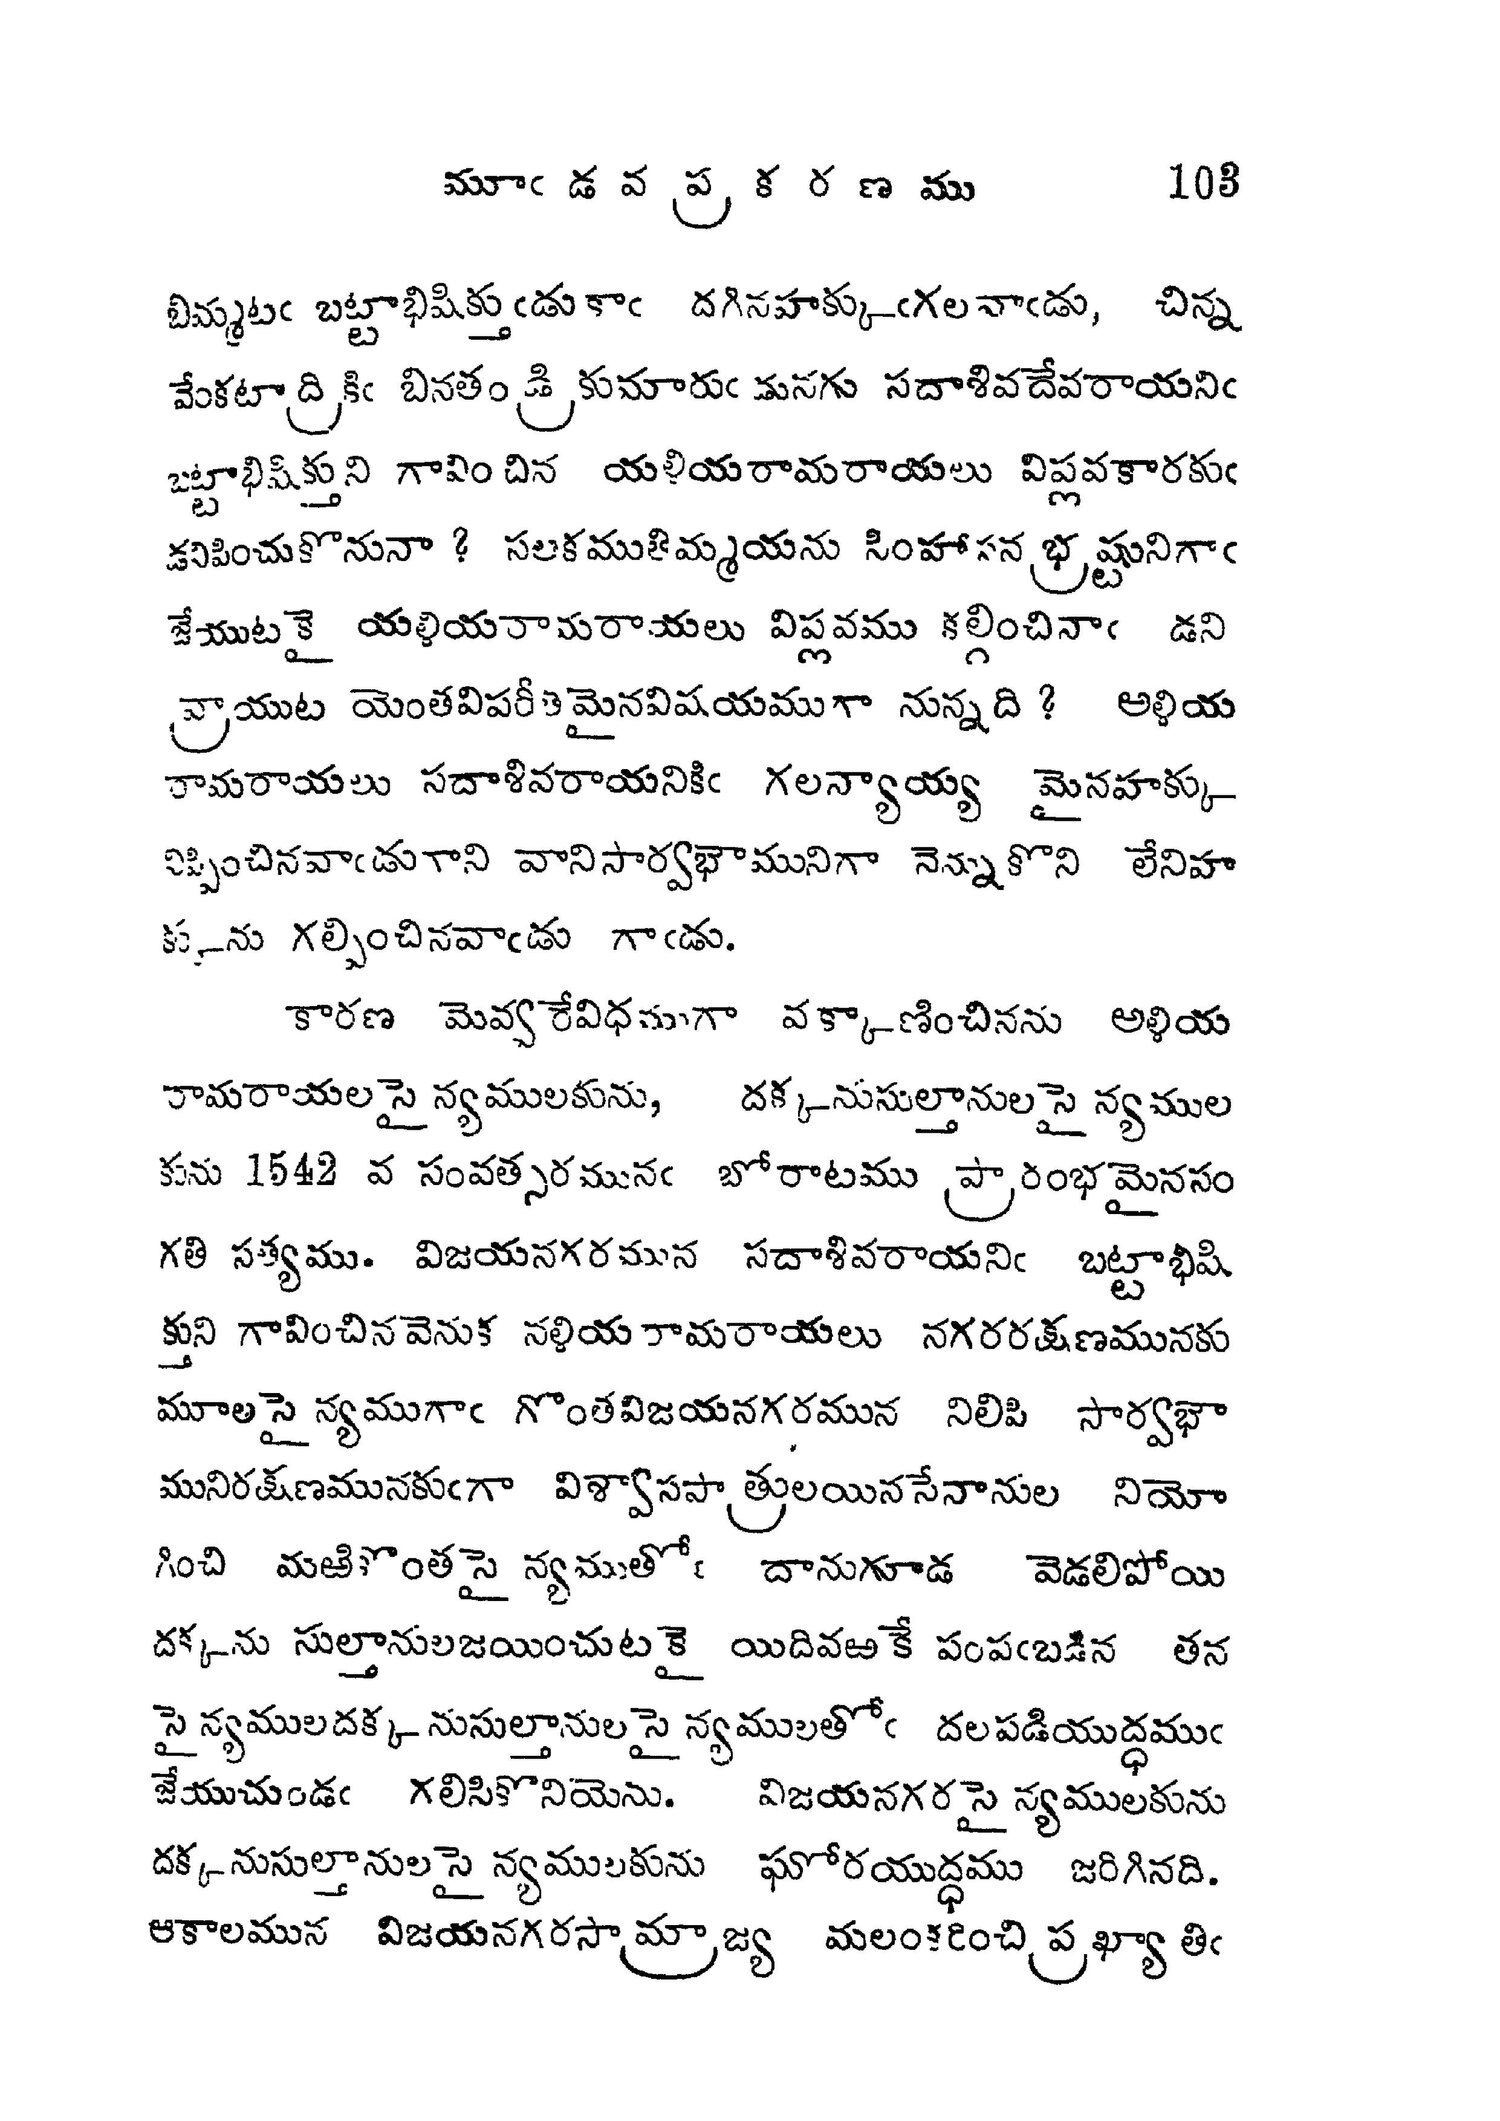బిమ్మట బట్టాభిషిక్తుడుగా దగినహక్కుగలవాడు, చిన్నవేంకటాద్రికి బినతండ్రికుమారుడునగు సదాశివదేవరాయని బట్టాభిషిక్తుని గావించిన యళియరామరాయలు విప్లవకారకు డనిపించుకొనునా? సలకముతిమ్మయను సింహాసన భ్రష్టునిగా జేయుటకై యళియరామరాయలు విప్లవము కల్గించినా డని వ్రాయుట యెంతవిపరీతమైన విషయముగా నున్నది? అళియరామరాయలు సదాశివరాయనికి గలన్యాయ్య మైనహక్కు నిప్పించినవాడుగాని వానిసార్వభౌమునిగా నెన్నుకొని లేనిహక్కును గల్పించినవాడు గాడు.

కారణ మెవ్వరేవిధముగా వక్కాణించినను అళియరామరాయల సైన్యములకును, దక్కనుసుల్తానుల సైన్యములకును 1542 వ సంవత్సరమున బోరాటము ప్రారంభమైనసంగతి సత్యము. విజయనగరమున సదాశివరాయని బట్టాభిషిక్తుని గావించినవెనుక నళియరామరాయలు నగరరక్షణమునకు మూలసైన్యముగా గొంతవిజయనగరమున నిలిపి సార్వభౌముని రక్షణమునకుగా విశ్వాసపాత్రులయిన సేనానుల నియోగించి మఱికొంతసైన్యముతో దానుగూడ వెడలిపోయి దక్కను సుల్తానులజయించుటకై యిదివఱకే పంపబడిన తన సైన్యములదక్కనుసుల్తానుల సైన్యములతో దలపడియుద్ధము జేయుచుండ గలిసికొనియెను. విజయనగర సైన్యములకును దక్కనుసుల్తానుల సైన్యములకును ఘోరయుద్ధము జరిగినది. ఆకాలమున విజయనగరసామ్రాజ్య మలంకరించి ప్రఖ్యాతి